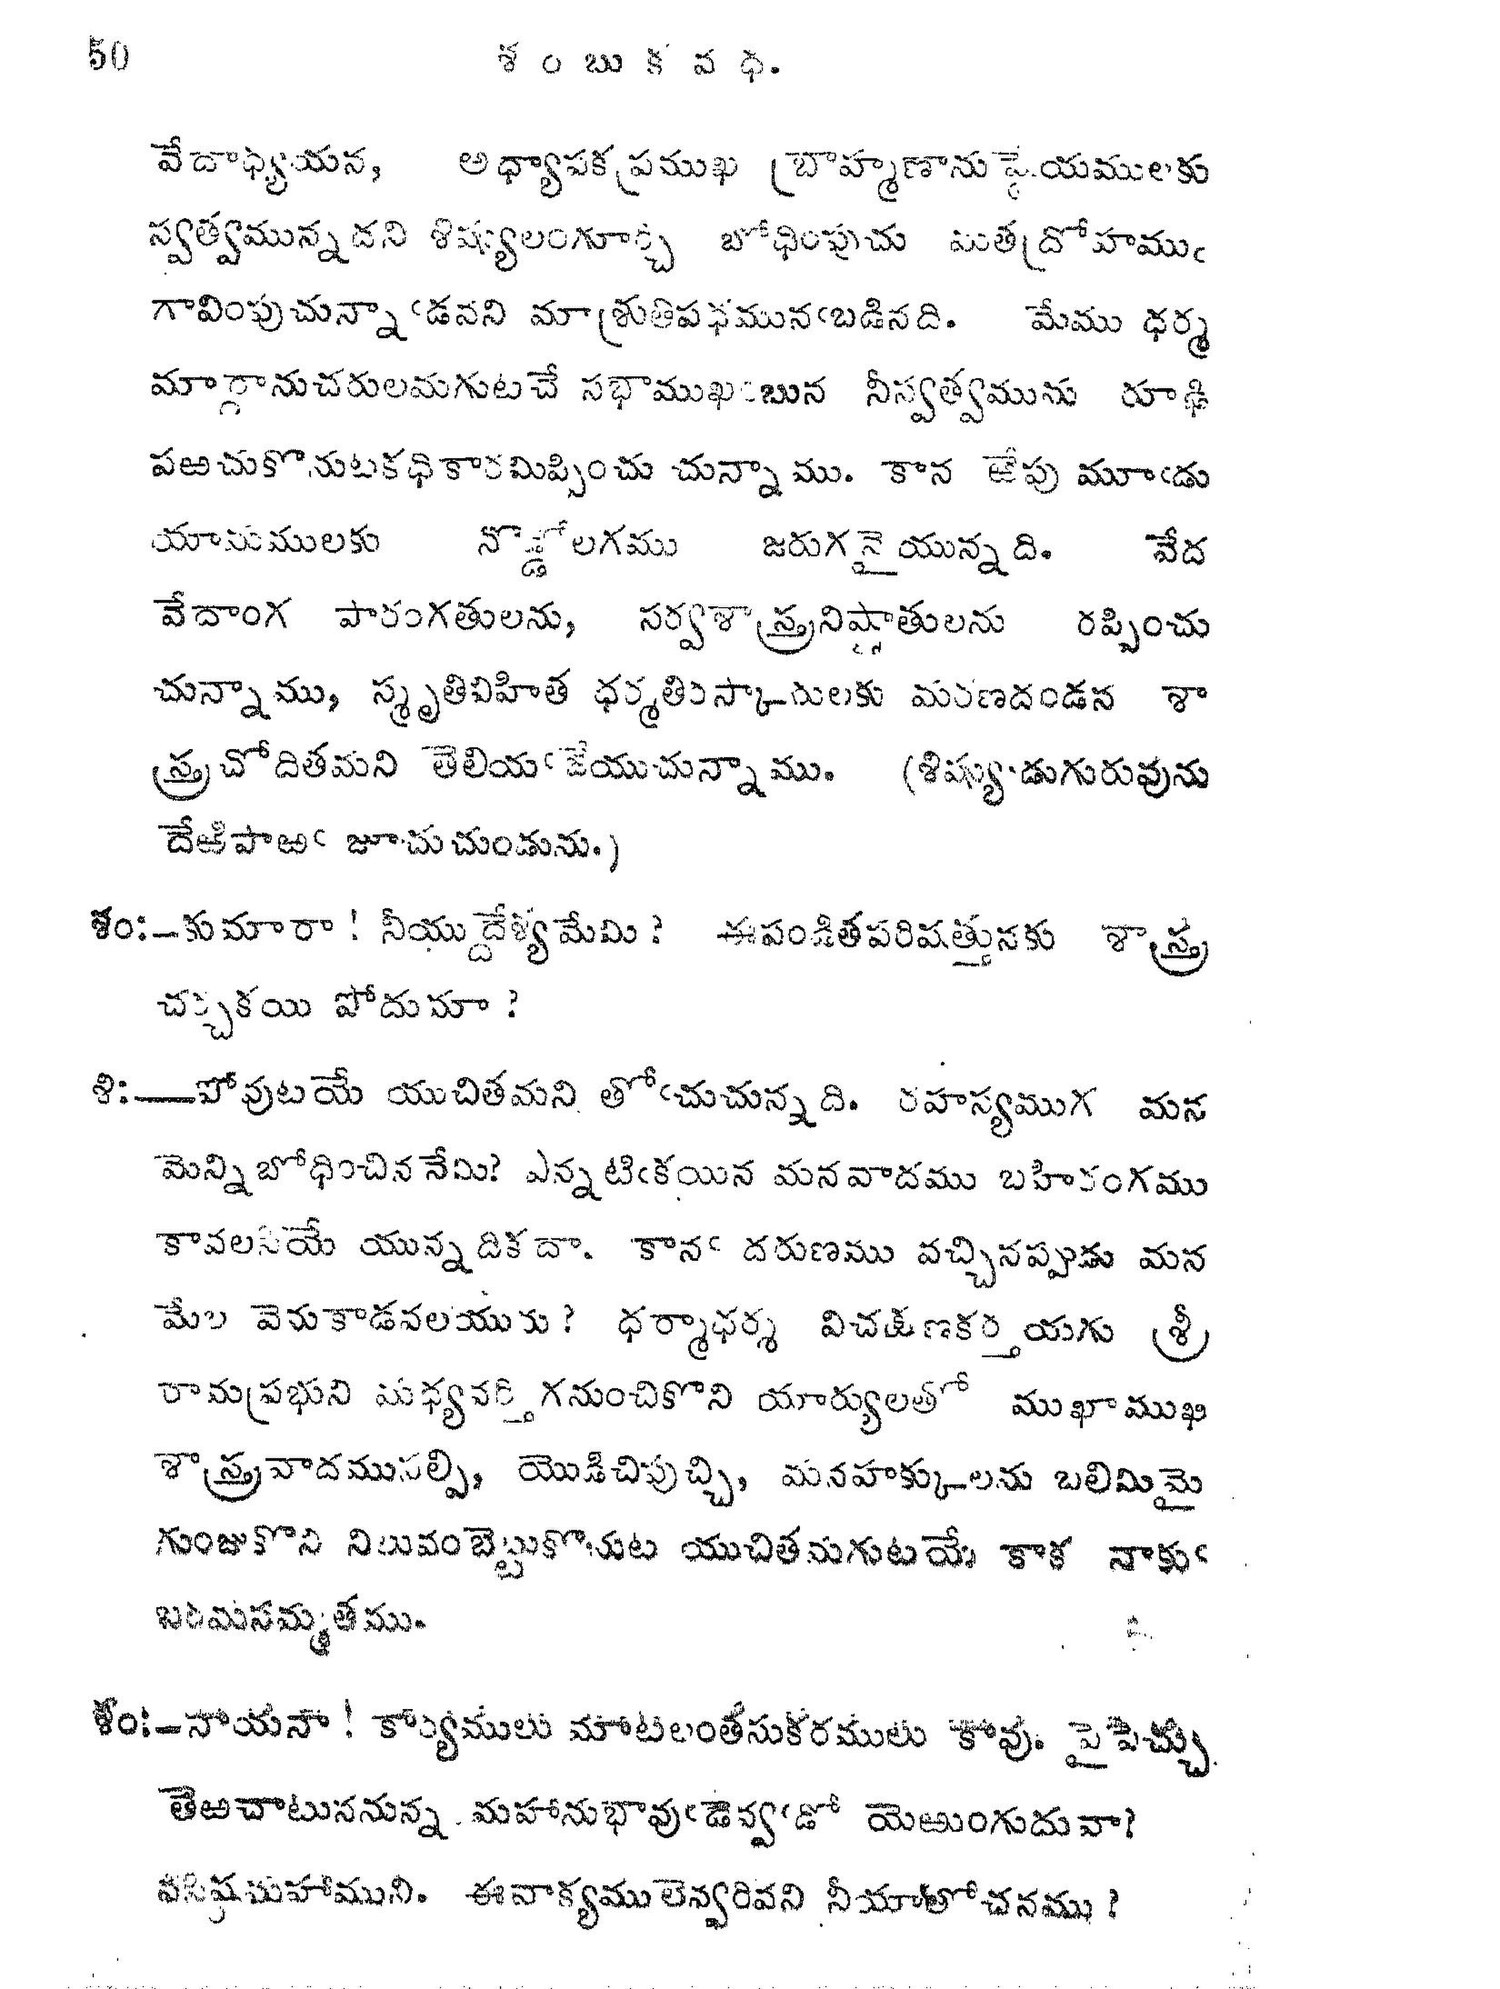వేదాధ్యయన, అధ్యాపక ప్రముఖ బ్రాహ్మణాను ష్టేయములకు
 స్వత్వమున్నదని శిష్యులం గూర్చి బోధింపుచు మతద్రోహముఁ
 గావింపుచున్నాఁడవని మాశ్రుతిపథమునఁ బడినది. మేము ధర్మ
 మాగ్గానుచరులమగుటచే సభాముఖంబున నీస్వత్వమును రూఢి
 పఱచుకొనుట కధికారమిప్పించు చున్నాము. కాన 'ఱేపు మూఁడు
 యామములకు నొడ్డోలగము జరుగ నై యున్నది.
 వేదాంగ పారంగతులను, సర్వశాస్త్ర నిష్ణాతులను రప్పించు
 చున్నాము, స్మృతి విహిత ధర్మ తిరస్కారులకు మరణదండన శా
 స్త్రచోదితమని తెలియ జేయుచున్నాము. (శిష్యుడుగురువును
 దేజీ పాఱుఁ జూచుచుండును. )

శం:- కుమారా ! నీయుదేశ్య మేమి ? ఈపండిత పరిషత్తునకు శాస్త్ర,
 చర్చకయి పోదుమా?

శి: పోవుటయే యుచితమని తోచుచున్నది. రహస్యముగ మన
 మెన్ని బోధించిన నేమి? ఎన్నటిఁకయిన మన వాదము బహిరంగము
 కావలసియే యున్నదికదా. కానఁ దరుణము వచ్చినప్పుడు మన
 మేల వెనుకాడ వలయును ? ధర్మాధర్మ విచక్షణకర్త యగు శ్రీ
 రామప్రభుని మధ్యవర్తిగ నుంచికొని యూర్యులతో ముఖాముఖి
 శాస్రవాదము సల్పి, యొడిచిపుచ్చి, మన హక్కులను బలిమి మై
 గుంజుకొని నిలువం బెట్టుకొనుట యుచితమగుటయే కాక నాకు
 బరమ సమ్మతము.

శం:- నాయనా ! కార్యములు మాటలంత సుకరములు కావు. పై పెచ్చు.
 తెఱచాటుననున్న . మహానుభావుఁ డెవ్వడో యెఱుంగుదువా?
 వసిష్ట మహాముని. ఈవాక్యము లెవ్వరివని నీయాలోచనము ?